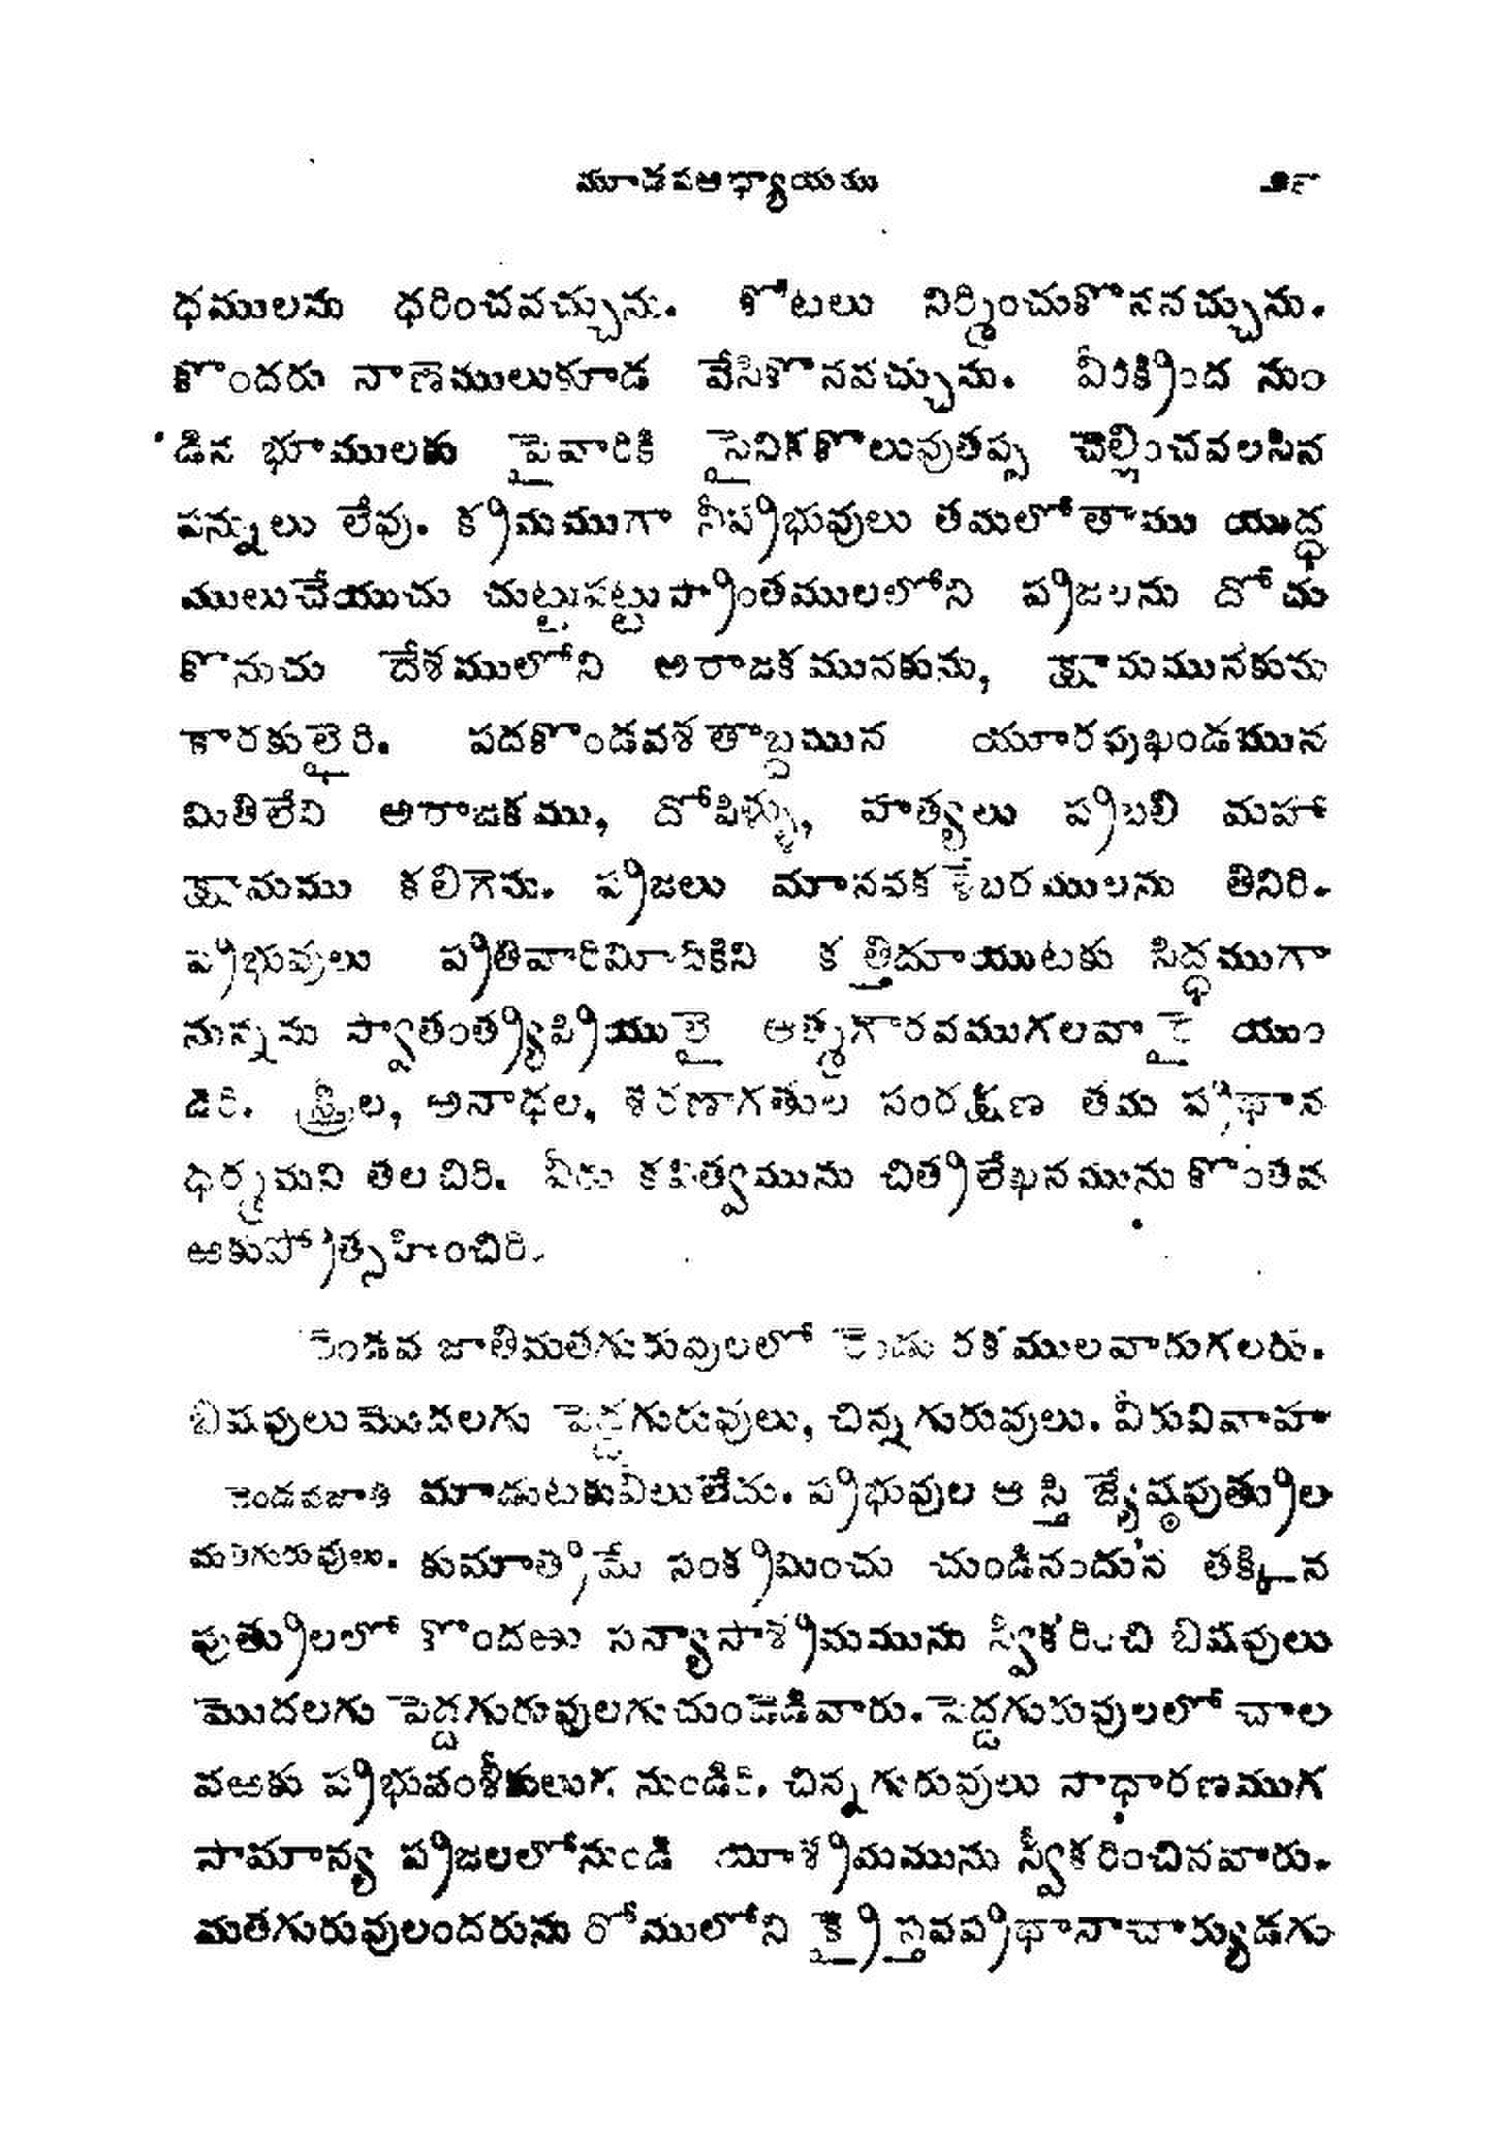ధములను ధరించవచ్చును. కోటలు నిర్మించుకొనవచ్చును.
కొందరు నాణెములుకూడ వేసికొనవచ్చును. వీరిక్రింద నుం
డిన భూములకు పైవారికి సైనిక కొలువుతప్ప చెల్లించవలసిన
పన్నులు లేవు. క్రమముగా నీ ప్రభువులు తమలో తాము యుద్ధ
ములు చేయుచు చుట్టుపట్టు ప్రాంతములలోని ప్రజలను దోచు
కొనుచు దేశములోని అరాజకమునకును, కామమునకును
కారకులైరి. పదకొండవశతాబ్దమున యూరపుఖండమున
మితి లేని అరాజకము, దోపిళ్ళు, హత్యలు ప్రబలి మహా
క్షామము కలిగెను. ప్రజలు మానవకళేబరములను తినిరి.
ప్రభువులు ప్రతివారిమీదీకిని కత్తిదూయుటకు సిద్ధముగా
నున్నను స్వాతంత్యప్రియులై ఆత్మగౌరవమువముగలవారైయుండిరి.
స్త్రీల, అనాధల, శరణాగతుల సంరక్షణ తమ ప్రధాన
ధర్మమని తలచిరి. వీరు కవిత్వమును చిత్ర లేఖనమును కొంతవ
రకు పోత్సహించిరి.

రెండవ జాతి మతగురుపులలో రెండు రకముల వారుగలరు.
బిషపులు మొదలగు పెద్దగురువులు, చిన్న గురువులు. వీరు వివాహ
మాడుటకు వీలు లేదు. ప్రభువుల ఆ స్తి జ్యేష్ఠపుత్రుల
కుమాత్రమే సంక్రమించు చుండినందున తక్కిన
పుత్రులలో కొందరు సన్యాసాశ్రమమును స్వీకరించి బిషపులు
'మొదలగు పెద్దగురువులగు చుండెడివారు. పెద్దగురువులలో చాల
వరకు ప్రభువంశీకులుగ నుండి.. చిన్న గురువులు సాధారణముగ
సామాన్య ప్రజలలోనుండి యాశ్రమమును స్వీకరించినవారు.
మతగురువు లందరును రోములోని క్రైస్తవ ప్రధానాచార్యుడగు